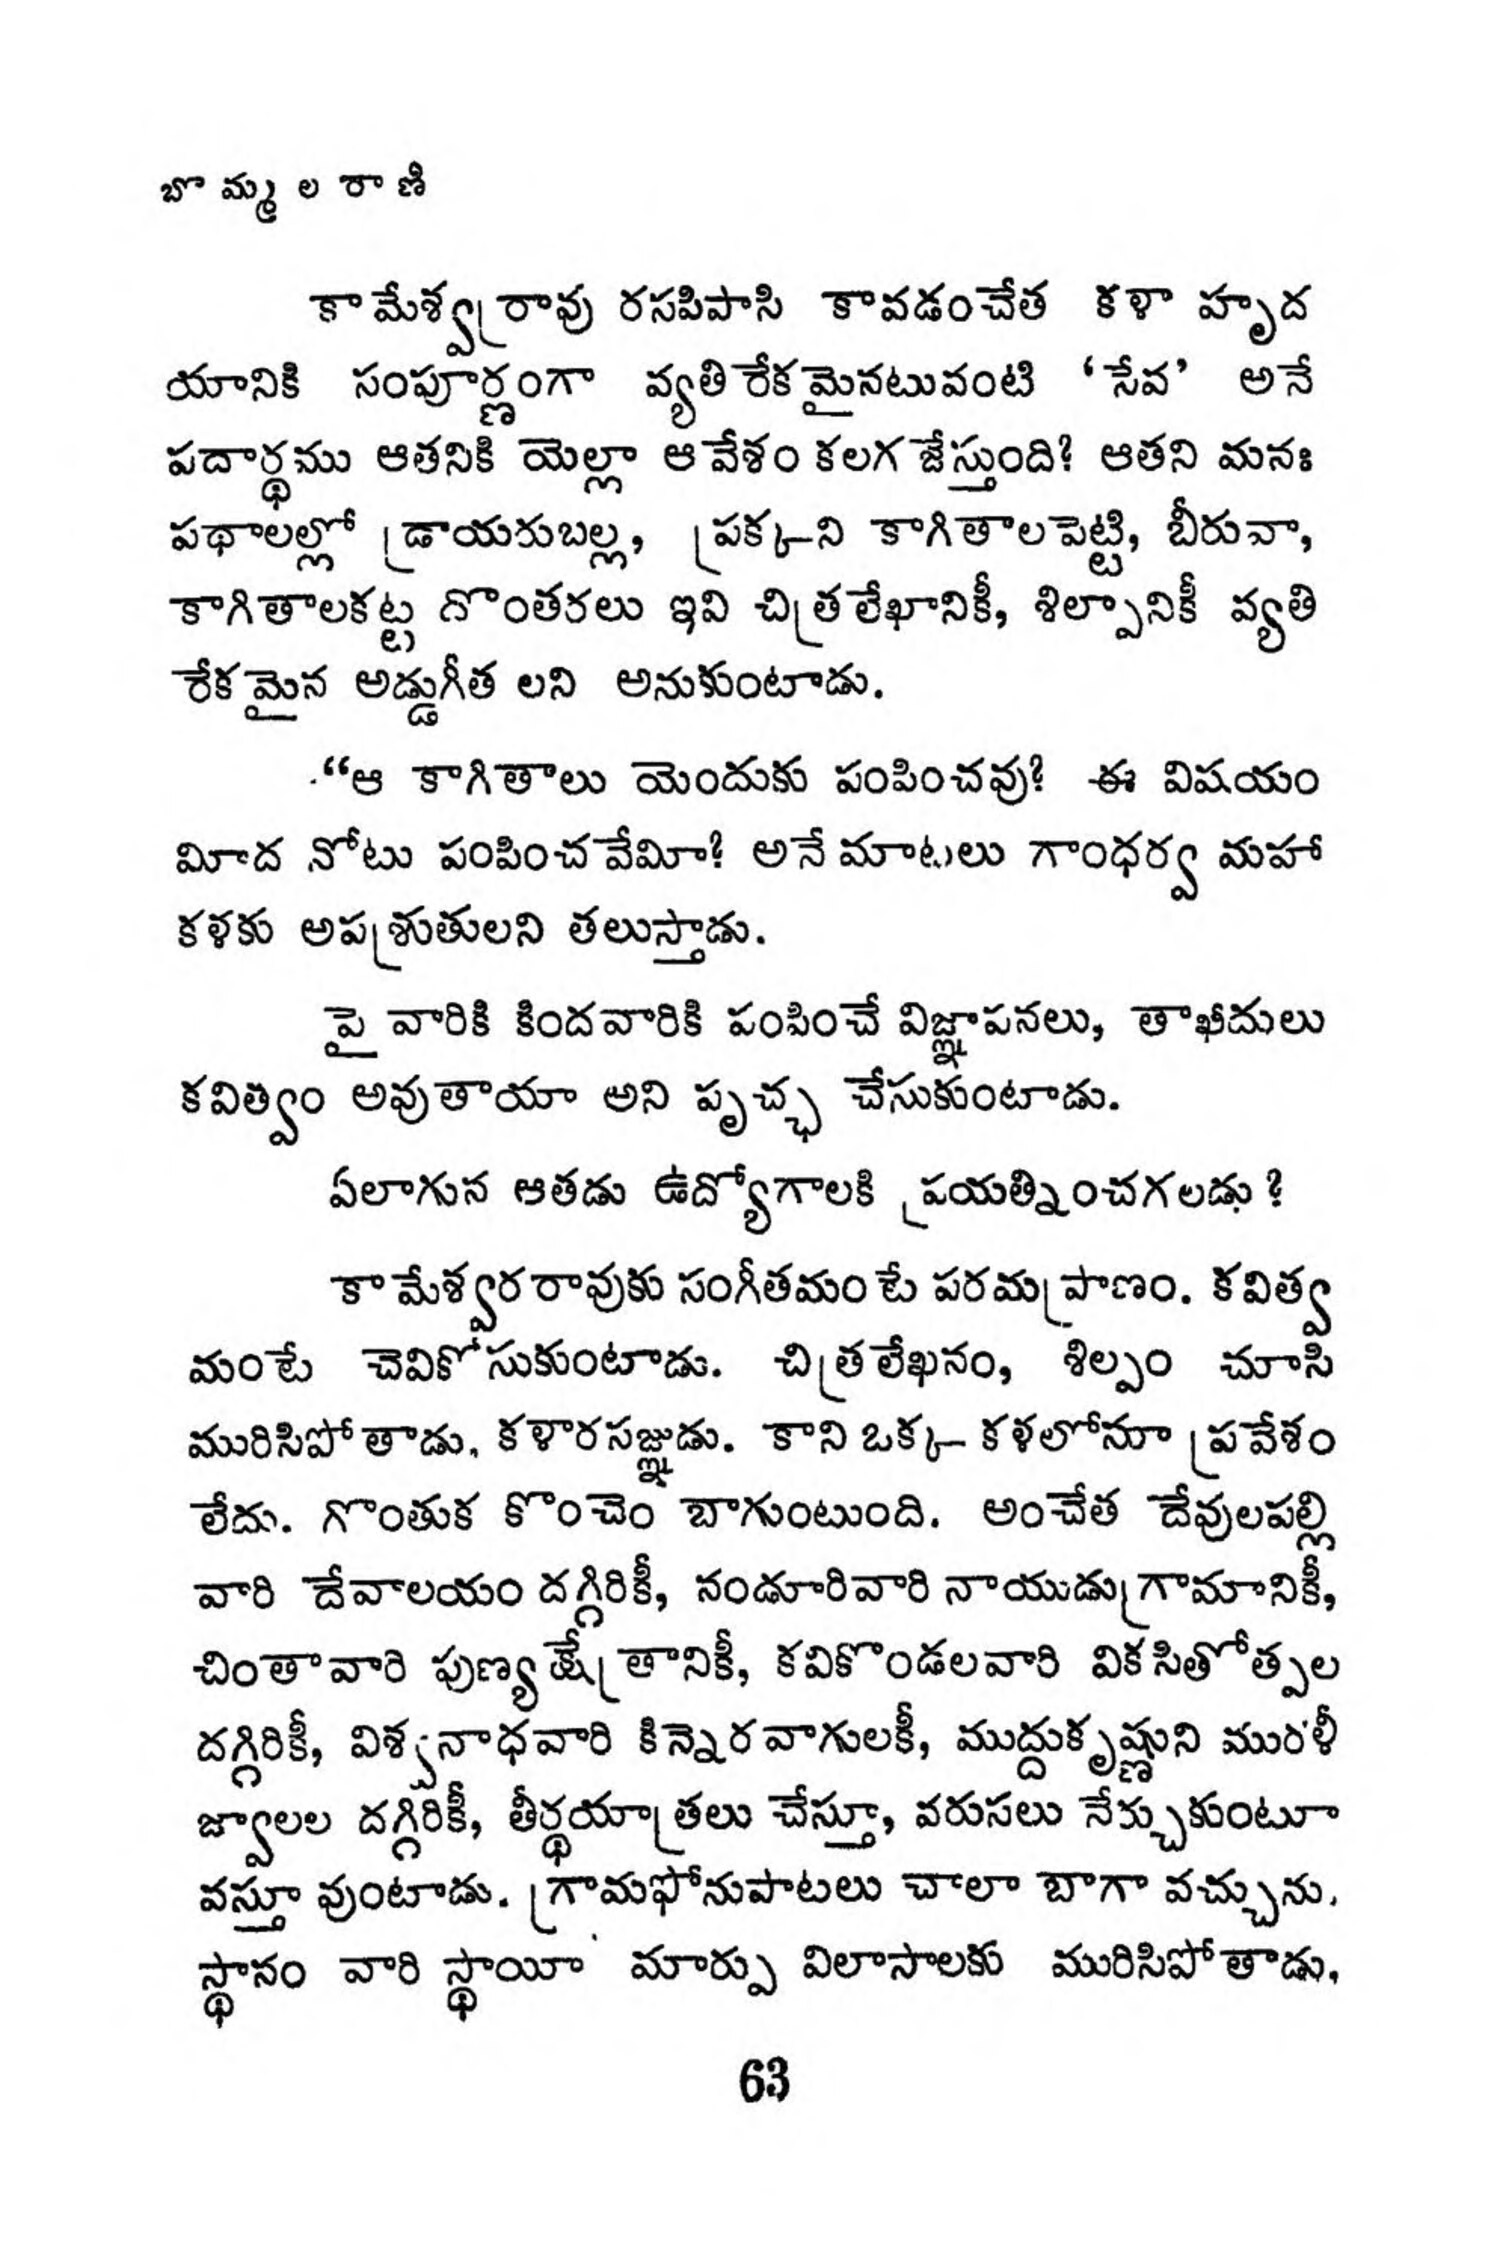కామేశ్వర్రావు రసపిసాసి కావడంచేత కళా హృదయానికి సంపూర్ణంగా వ్యతిరేకమైనటువంటి 'సేవ' అనే పదార్థము ఆతనికి యెల్లా ఆవేశం కలగ జేస్తుంది? ఆతని మనఃపథాలల్లో డ్రాయరుబల్ల, ప్రక్కని కాగితాలపెట్టి, బీరువా, కాగితాలకట్ట దొంతరలు ఇవి చిత్రలేఖానికీ, శిల్పానికీ వ్యతిరేకమైన అడ్డుగీత లని అనుకుంటాడు.

"ఆ కాగితాలు యెందుకు పంపించవు? ఈ విషయం మీద నోటు పంపించవేమీ? అనేమాటలు గాంధర్వ మహాకళకు అపశ్రుతులని తలుస్తాడు.

పై వారికి కిందవారికి పంపించే విజ్ఞాపనలు, తాఖీదులు కవిత్వం అవుతాయా అని పృచ్ఛ చేసుకుంటాడు.

ఏలాగున ఆతడు ఉద్యోగాలకి ప్రయత్నించగలడు?

కామేశ్వరరావుకు సంగీతమంటే పరమప్రాణం. కవిత్వమంటే చెవికోసుకుంటాడు. చిత్రలేఖనం, శిల్పం చూసి మురిసిపోతాడు. కళారసజ్ఞుడు. కాని ఒక్క కళలోనూ ప్రవేశం లేదు. గొంతుక కొంచెం బాగుంటుంది. అంచేత దేవులపల్లి వారి దేవాలయం దగ్గిరికీ, నండూరివారి నాయుడు గ్రామానికీ, చింతావారి పుణ్యక్షేత్రానికీ, కవికొండలవారి వికసితోత్పల దగ్గిరికీ, విశ్వనాధవారి కిన్నెరవాగులకీ, ముద్దుకృష్ణుని మురళీ జ్వాలల దగ్గిరికీ, తీర్థయాత్రలు చేస్తూ, వరుసలు నేర్చుకుంటూ వస్తూ వుంటాడు. గ్రామఫోనుపాటలు చాలా బాగా వచ్చును. స్థానం వారి స్థాయీ మార్పు విలాసాలకు మురిసిపోతాడు.